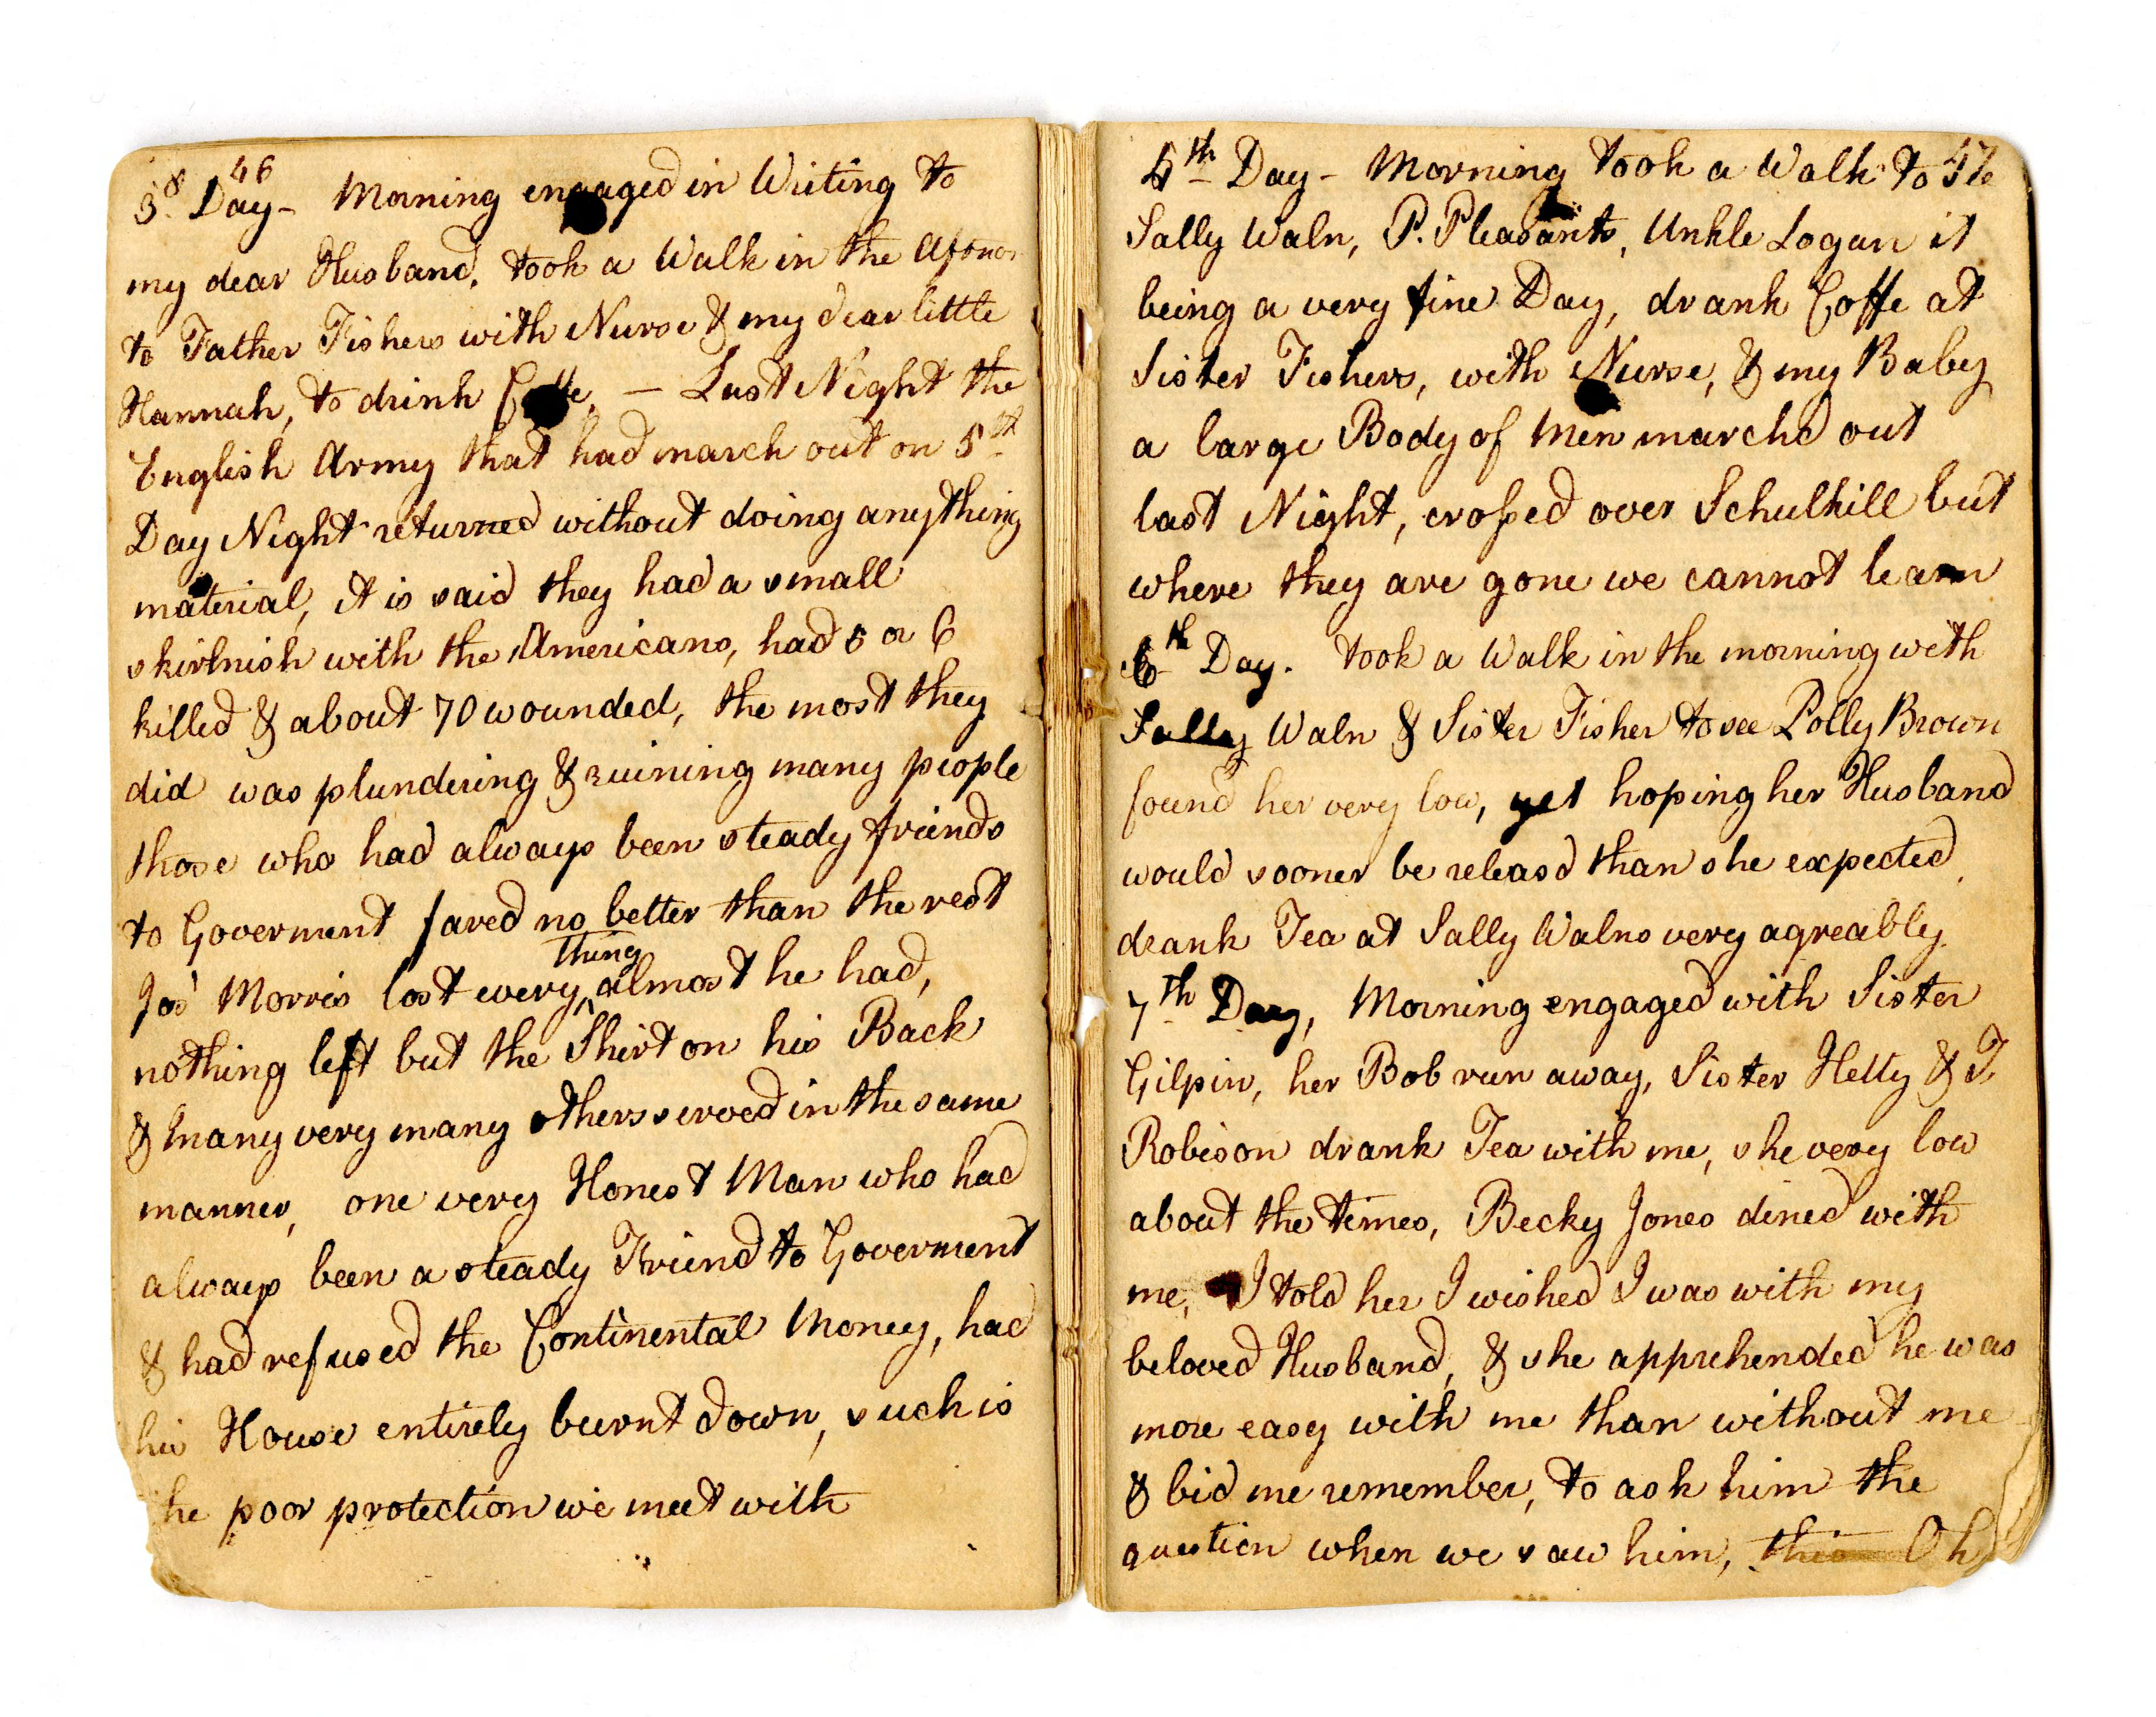46
3^d Day- morning engaged in Writing to
my dear Husband, took a Walk in the Aftnor
to Father Fishers with Nurse & my dear little
Hannah, to drink Coffe,- Last Night the
English Army that had march out on 5^th
Day Night returned without doing anything
material, it is said they had a small
skirlnish with the Americans, had 5 or 6
killed & about 70 wounded, the most they
did was plundering & ruining many people
those who had always been steady friends
to Goverment fared no better than the rest
thing
Jos' Morris lost every ^almost he had,
nothing left but the Shirt on his Back
& many very many others served in the same
manner. one very Honest Man who had
always been a steady Friend to Goverment
& had refused the Continental Money, had
his House entirely burnt down, such is
he poor protection we meet with
4^th Day- Morning took a Walk see ^47
Sally Waln, P. Pleasants, Unkle Logan it
being a very fine Day, drank Coffe at
Sister Fishers, with Nurse, & my Baby
a large Body of Men marchd out
last Night, crossed over Schulkill but
where they are gone we cannot learn
6^th Day- took a Walk in the morning with
Sally Waln & Sister Fisher to see Polly Brown
found her very low, yet hoping her Husband
would sooner be releasd than she expected
drank Tea at Sally Walns very agreably
7^th Day, Morning engaged with Sister
Gilpin, her Bob run away, Sister Hetty & T,
Robison drank Tea with me, she very low
about the times, Becky Jones dined with
me, I told her I wished I was with my
beloved Husband, & she apprehended he was
more easy with me than without me
& bid me remember, to ask him the
question when we saw him, this Oh